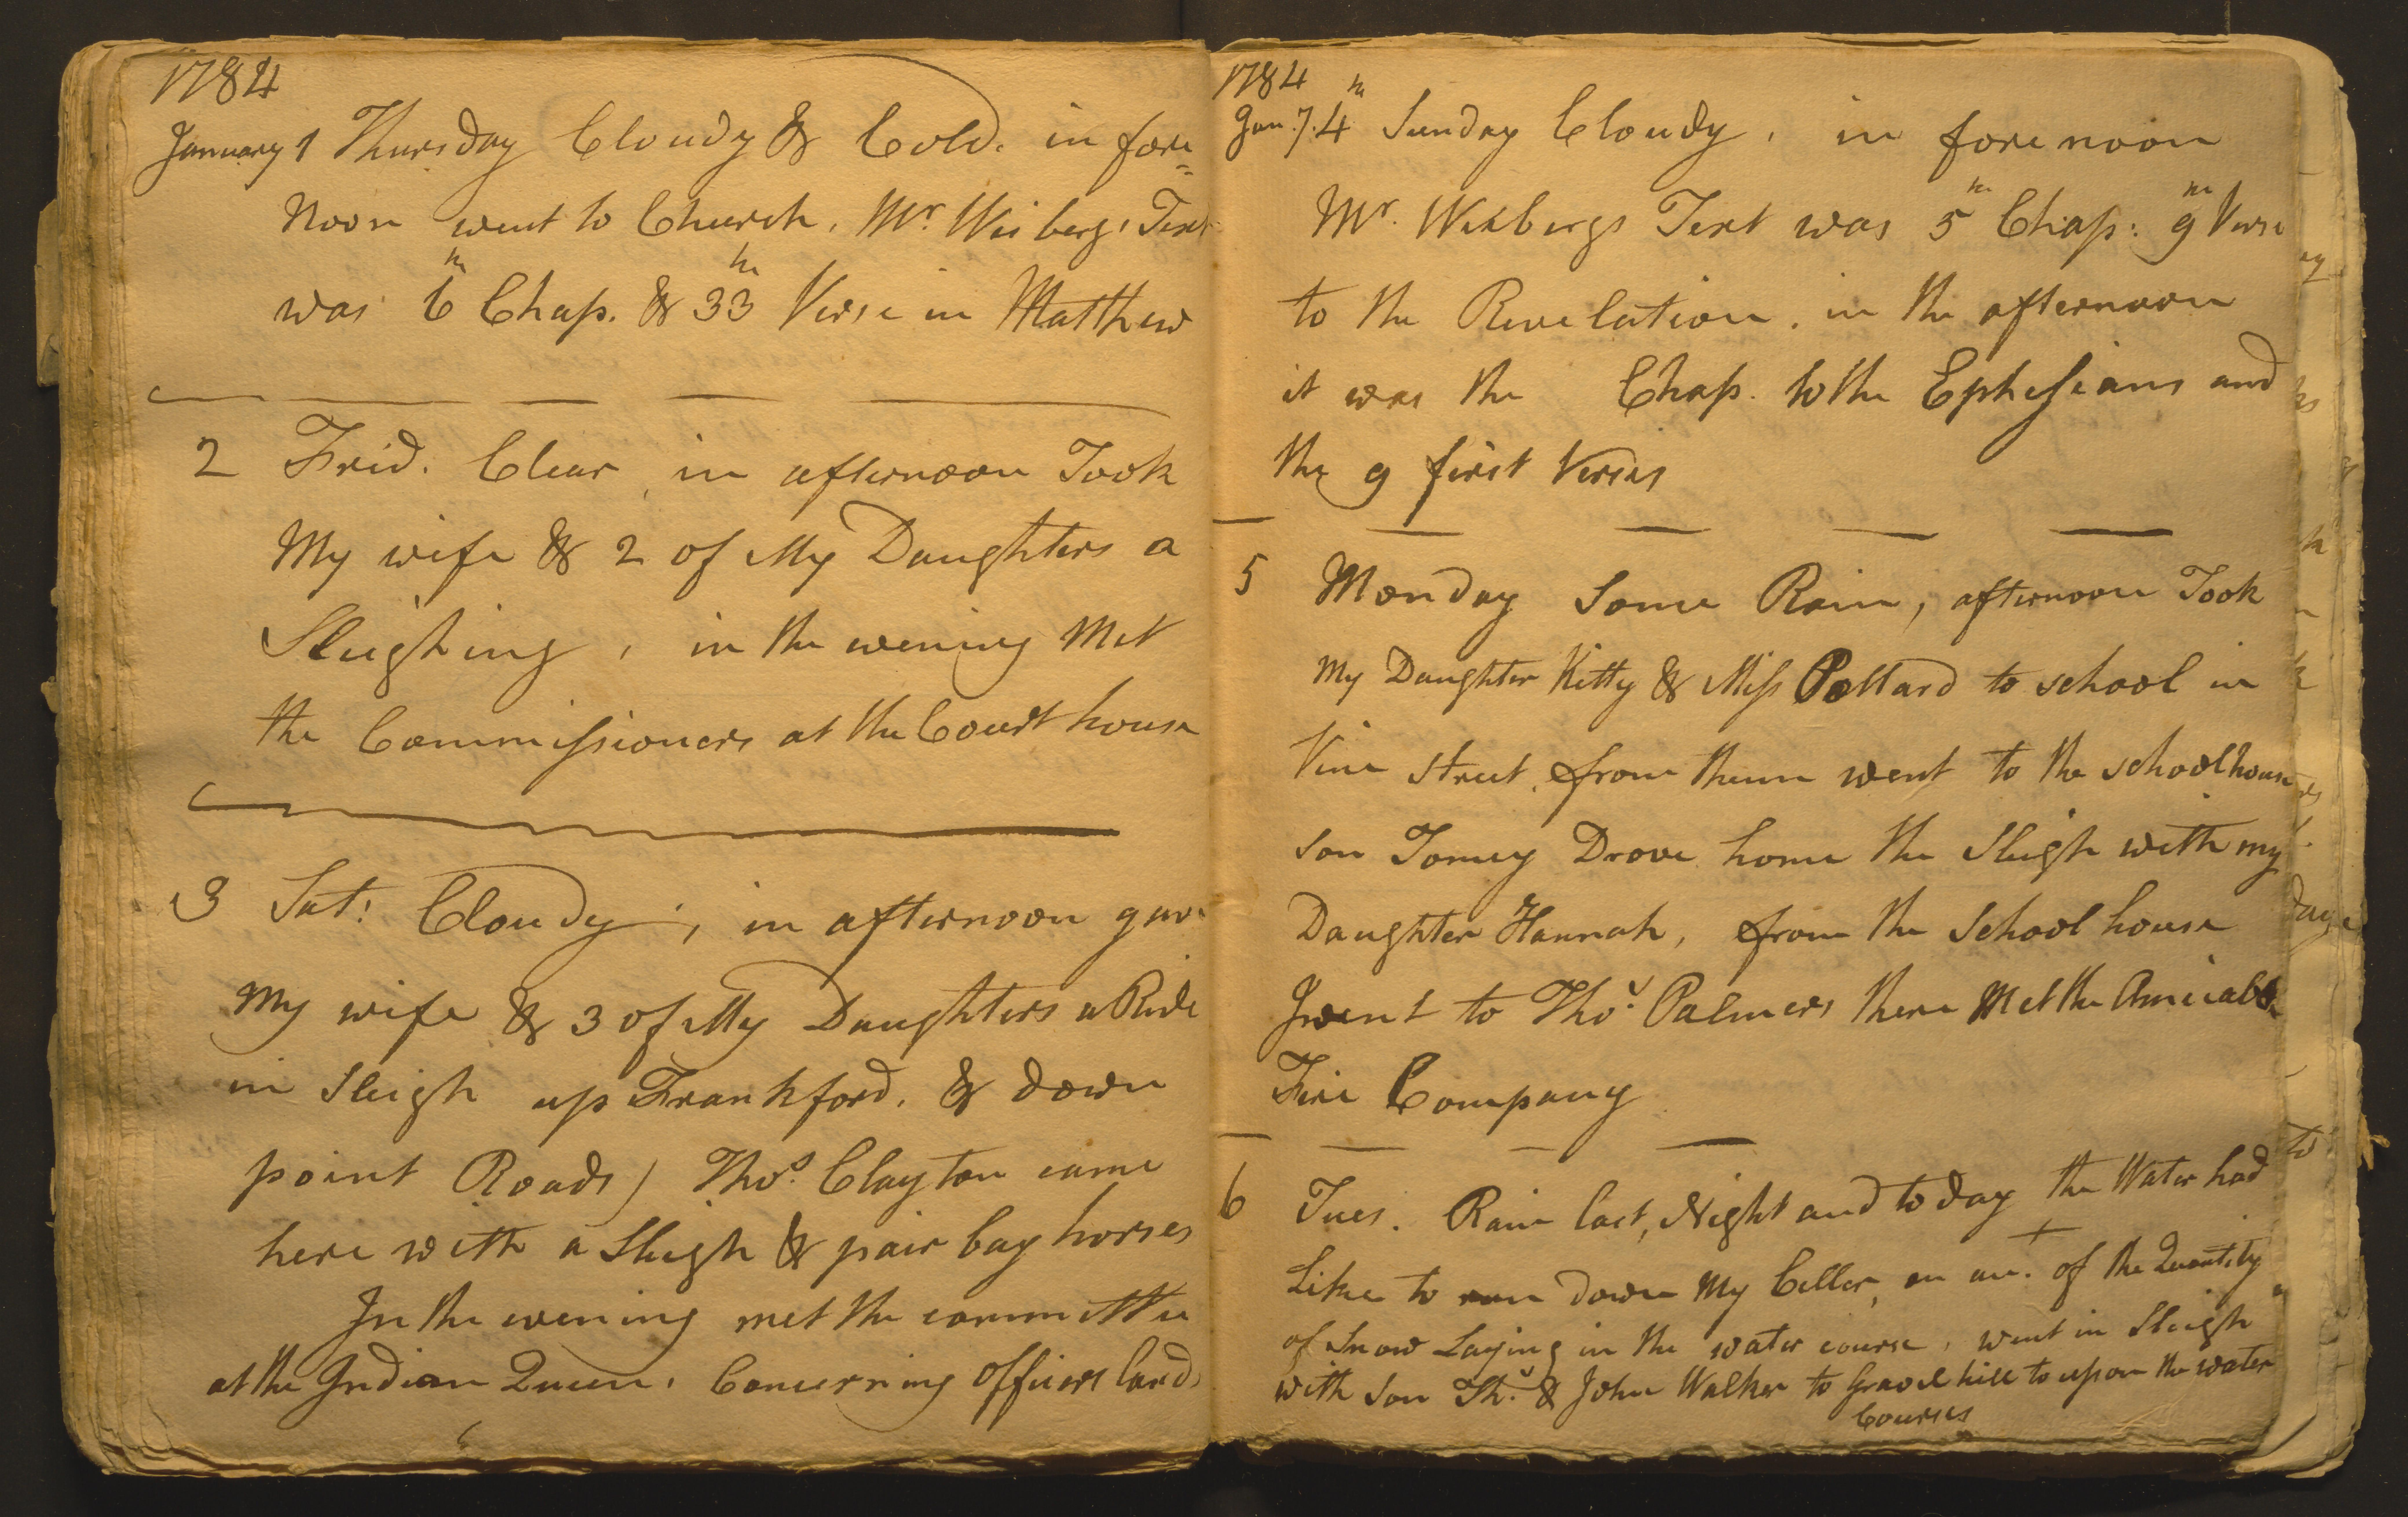1784
January 1 Thursday Cloudy & Cold. in fore
Noon went to Church, M^r. Weibergs Text
was 6^th Chap. & 33^h Verse in Matthew
2 Frid. Clear in afternoon Took
My wife & 2 of My Daughters a
Sleighing, in the evening Met
the Commissioner, at the Court house
3 Sat: Cloudy, in afternoon gave
my wife & 3 of My Daughters a RIde
in Sleigh up Frankford. & down
point Roads) Tho^s. Clayton came
here with a sleigh & pair bay horses
In the evening met the committe
at the Indian Queen, Concerning officers lard
1784
Jan^y. 4^th Sunday Cloudy, in forenoon
M^r. Weibergs Text was 5^th Chap. 9^th Verse
to the Revelation in the afternoon
it was the Chap. to the Ephesians and
the 9 first Verses
5 Monday Some Rain, afternoon Took
My Daughter Kitty & Miss Pollard to school in
Vine Street from thence went to the schoolhouse
Son Tomey Drove home the Sleigh with my
Daughter Hannah, from the School house
I went to Tho^s. Palmers there Met the Amicable
Fire Company
6 Tues. Rain last Night and to day the Water had
Like to run down My Celler, an acc^t. of the Quantity
of snow Laying in the water course, went in Sleigh
with Son Th^s. & John Walker to Gravel hill to upon the water
Courses